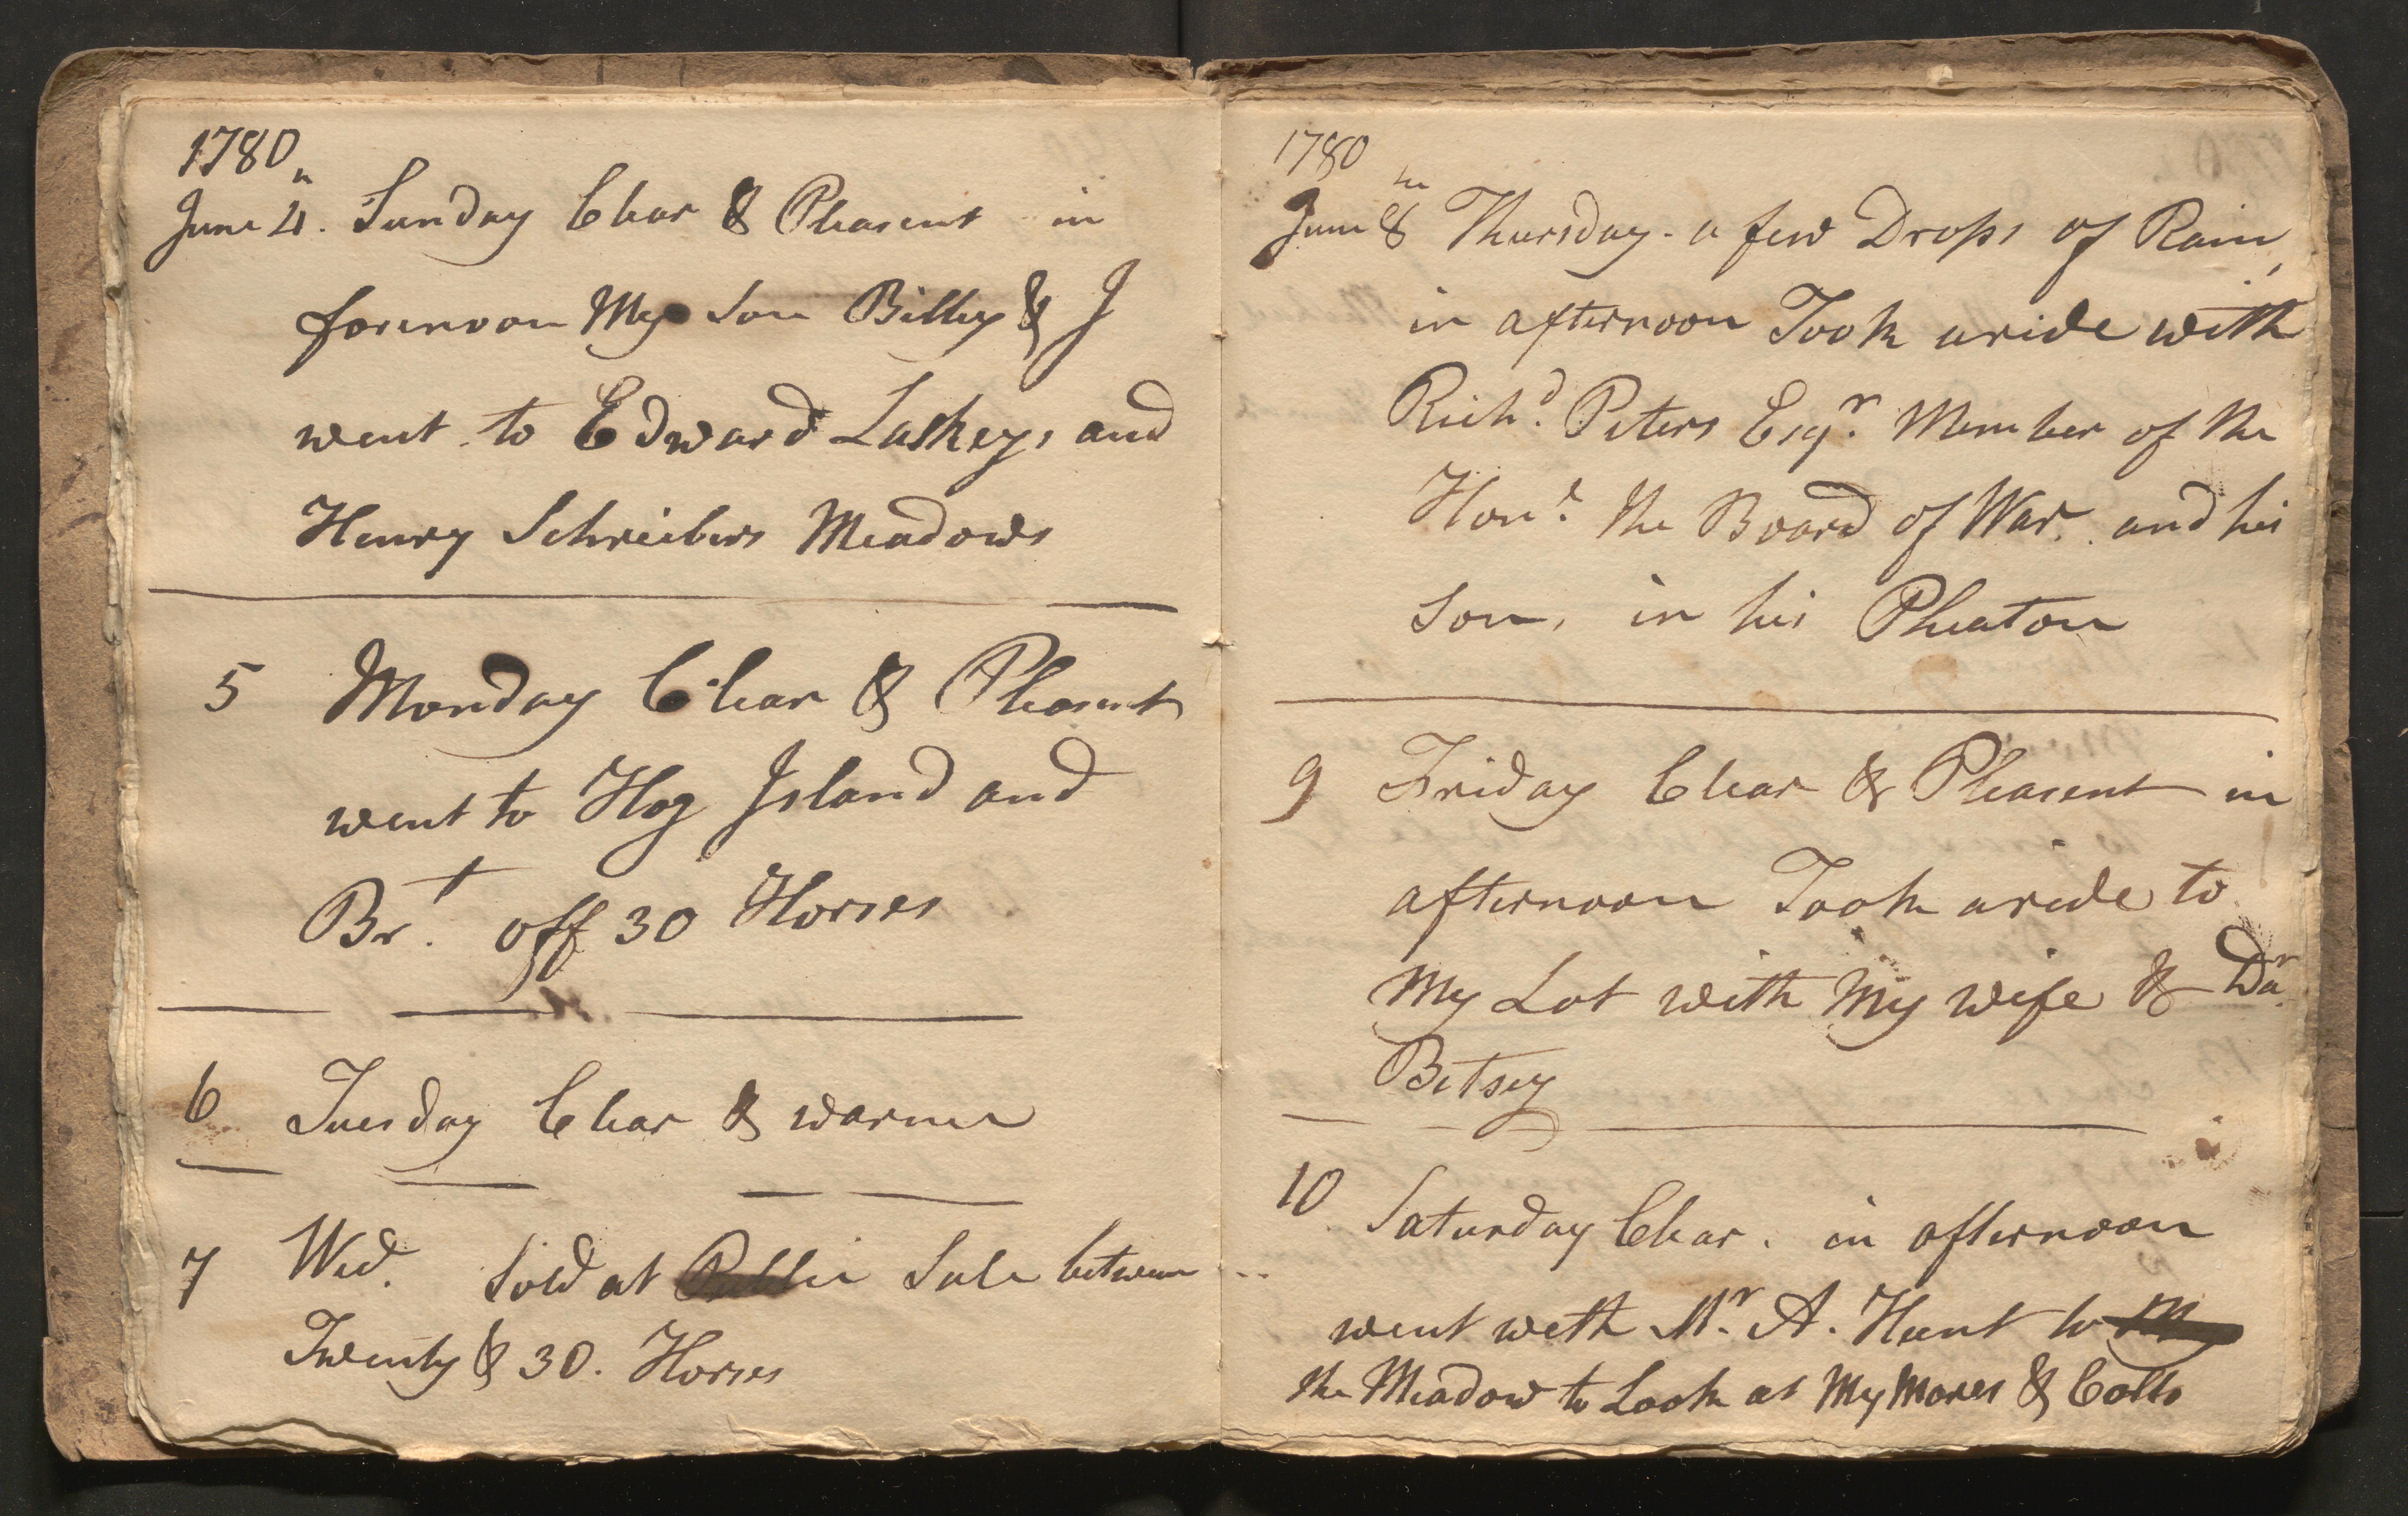1780
June 4^th. Sunday Clear & Pleasent in
forenoon My Son Billey & I
went to Edward Laskeys and
Henry Schreibers Meadows
5 Monday Clear & Pleasent
went to Hoy Island and
Br^t. off 30 Horses
6 Tuesday Clear & warme
7 Wed Sold at Public Sale between
Twenty & 30. Horses
1780
June 8^th Thursday. a few Drops of Rain
in afternoon Took a ride with
Rich^d. Peters Esq^r. Member of the
Hon^l. The Board of War and his
son, in his Pheaton
9 Friday Clear & Pleasent in
afternoon Took a ride to
Sa
My Lot with My wife to
Betsey
Saturday Clear. in afternoon
went with M^r. A. Hunt to [M_]
the Meadow to Look at My Mares & Colts